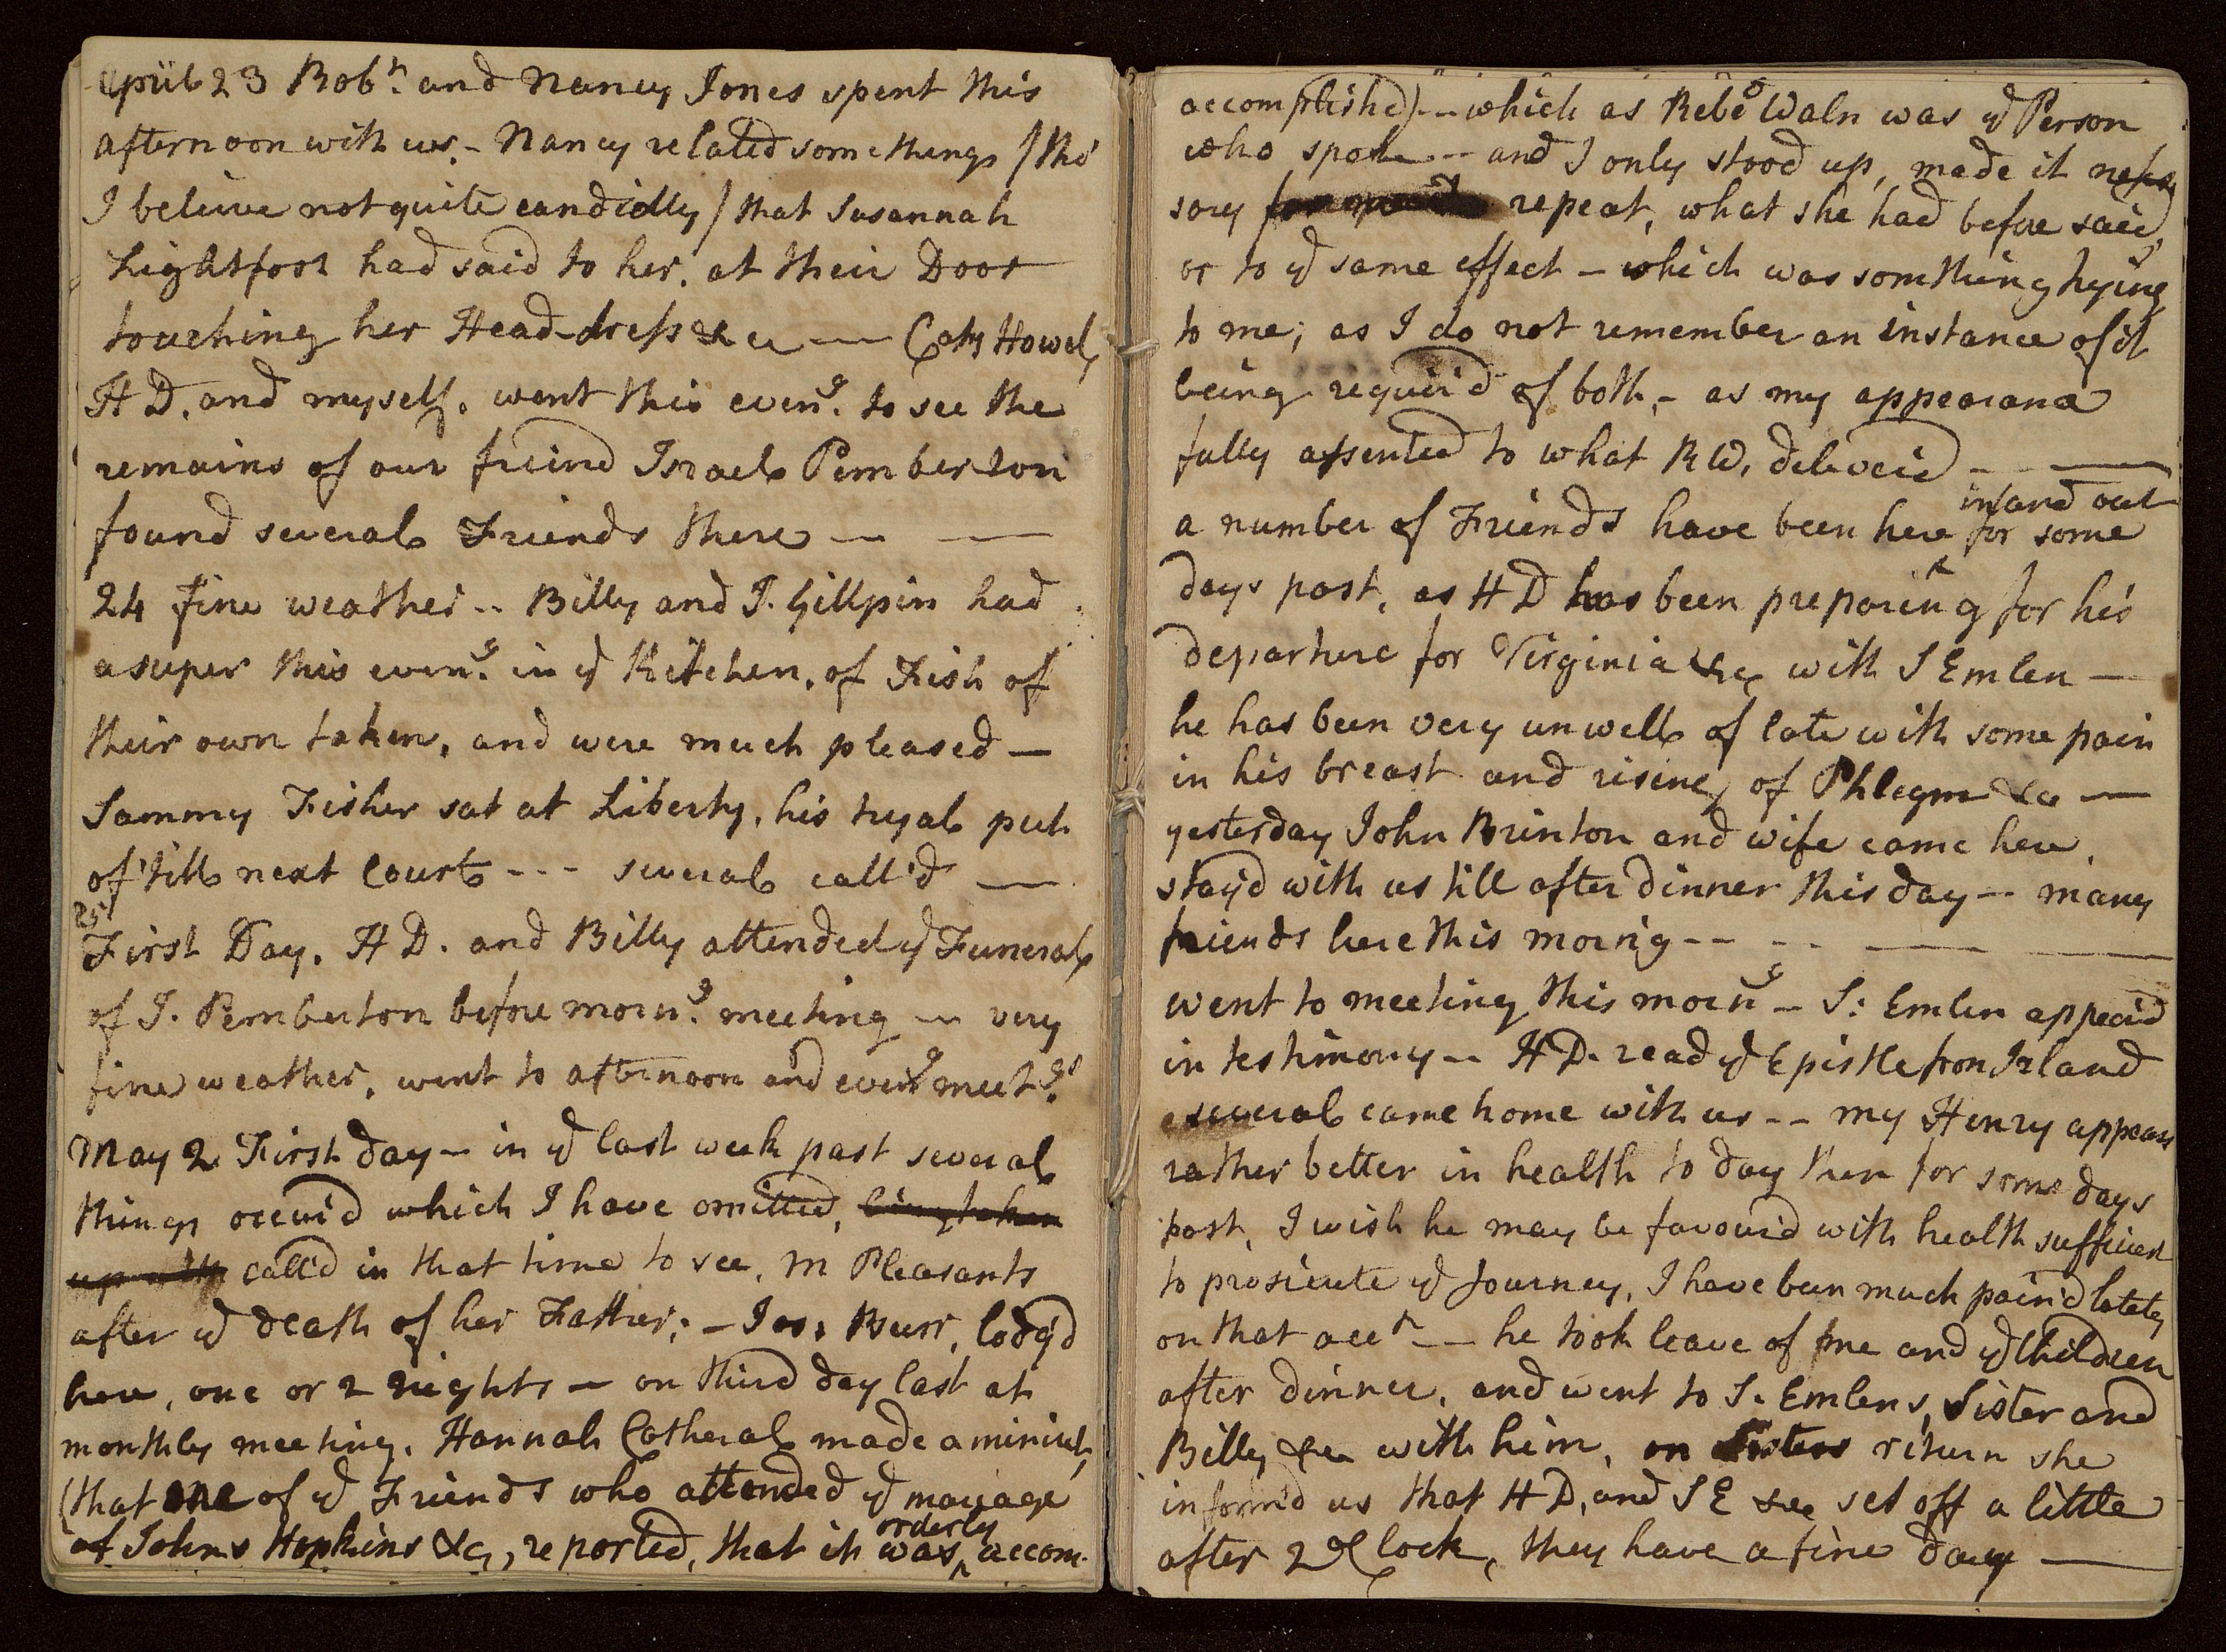April 23 Rob^t. and Nancy Jones spent this
afternoon with us- Nancy related somethings /tho'
I believe not quite candidly/ that Susannah
Lightfoot had said to her. at their Door
touching her Head- dress &c -- Caty Howel
HD. and myself, went this even^g. to see the
remains of our friend Israel Pemberton
found several Friends there--
24 fine weather- Billy and I. Gillpin had
a super this even^g. in y^e Kitchen. of Fish of
their own taken, and were much pleased-
Sammy Fisher sat at Liberty, his tryal put
of 'till next court--- several call'd-
First Day. HD. and Billy attended y^e Funeral
of I. Pemberton before morn^g. meeting- very
fine weather, went to afternoon and even^g. meet^gs.
May 2 First day- in y^e last week past several
things occur'd which I have omitted, [__________]
[_____] call'd in that time to see, M Pleasants
after y^e death of her Father;- Jos: Burr, lodg'd
here, one or 2 nights- on third day last at
monthly meeting. Hannah Catheral made a miniut,
(that one of y^e Friends who attended y^e marriage
orderly
of Johns Hopkins &c, reported, that it was ^ accom-
accomplish'd)-which as Reb^a. Waln was y^e Person
who spoke-- and I only stood up, made it nesse
sory [_______] repeat, what she had before said,
or to y^e same effect- which was something trying,
to me; as I do not remember an instance of it
being requir'd of both,- as my appearance
fully assented to what RW, dieliver'd--
in and out
a number of Friends have been here ^ for some
days past, as HD has been preparing for his
departure for Virginia &c with S Emlen-
he has been very unwell of late with some pain
in his breast and risine of Phlegm &c-
yesterday John Brinton and Wife came here
stay'd with us till after dinner this day- many
friends here this morn'g--
went to meeting this morn^g- S: Emlen appear'd
in testimony- HD. read y^e Epistle from Island
several came home with us-- my Henry appears
rather better in health to day then for some days
past, I wish he may be favour'd with health sufficient
to prosicute y^e Journey, I have been much pain'd lately
on that acc^t.- he took leave of me and y^e Children
after dinner, and went to S. Emlens, Sister and
Billy be with him, on Sisters return she
inform'd us that HD, and SE &c set off a little
after 2 ^oClock, they have a fine day